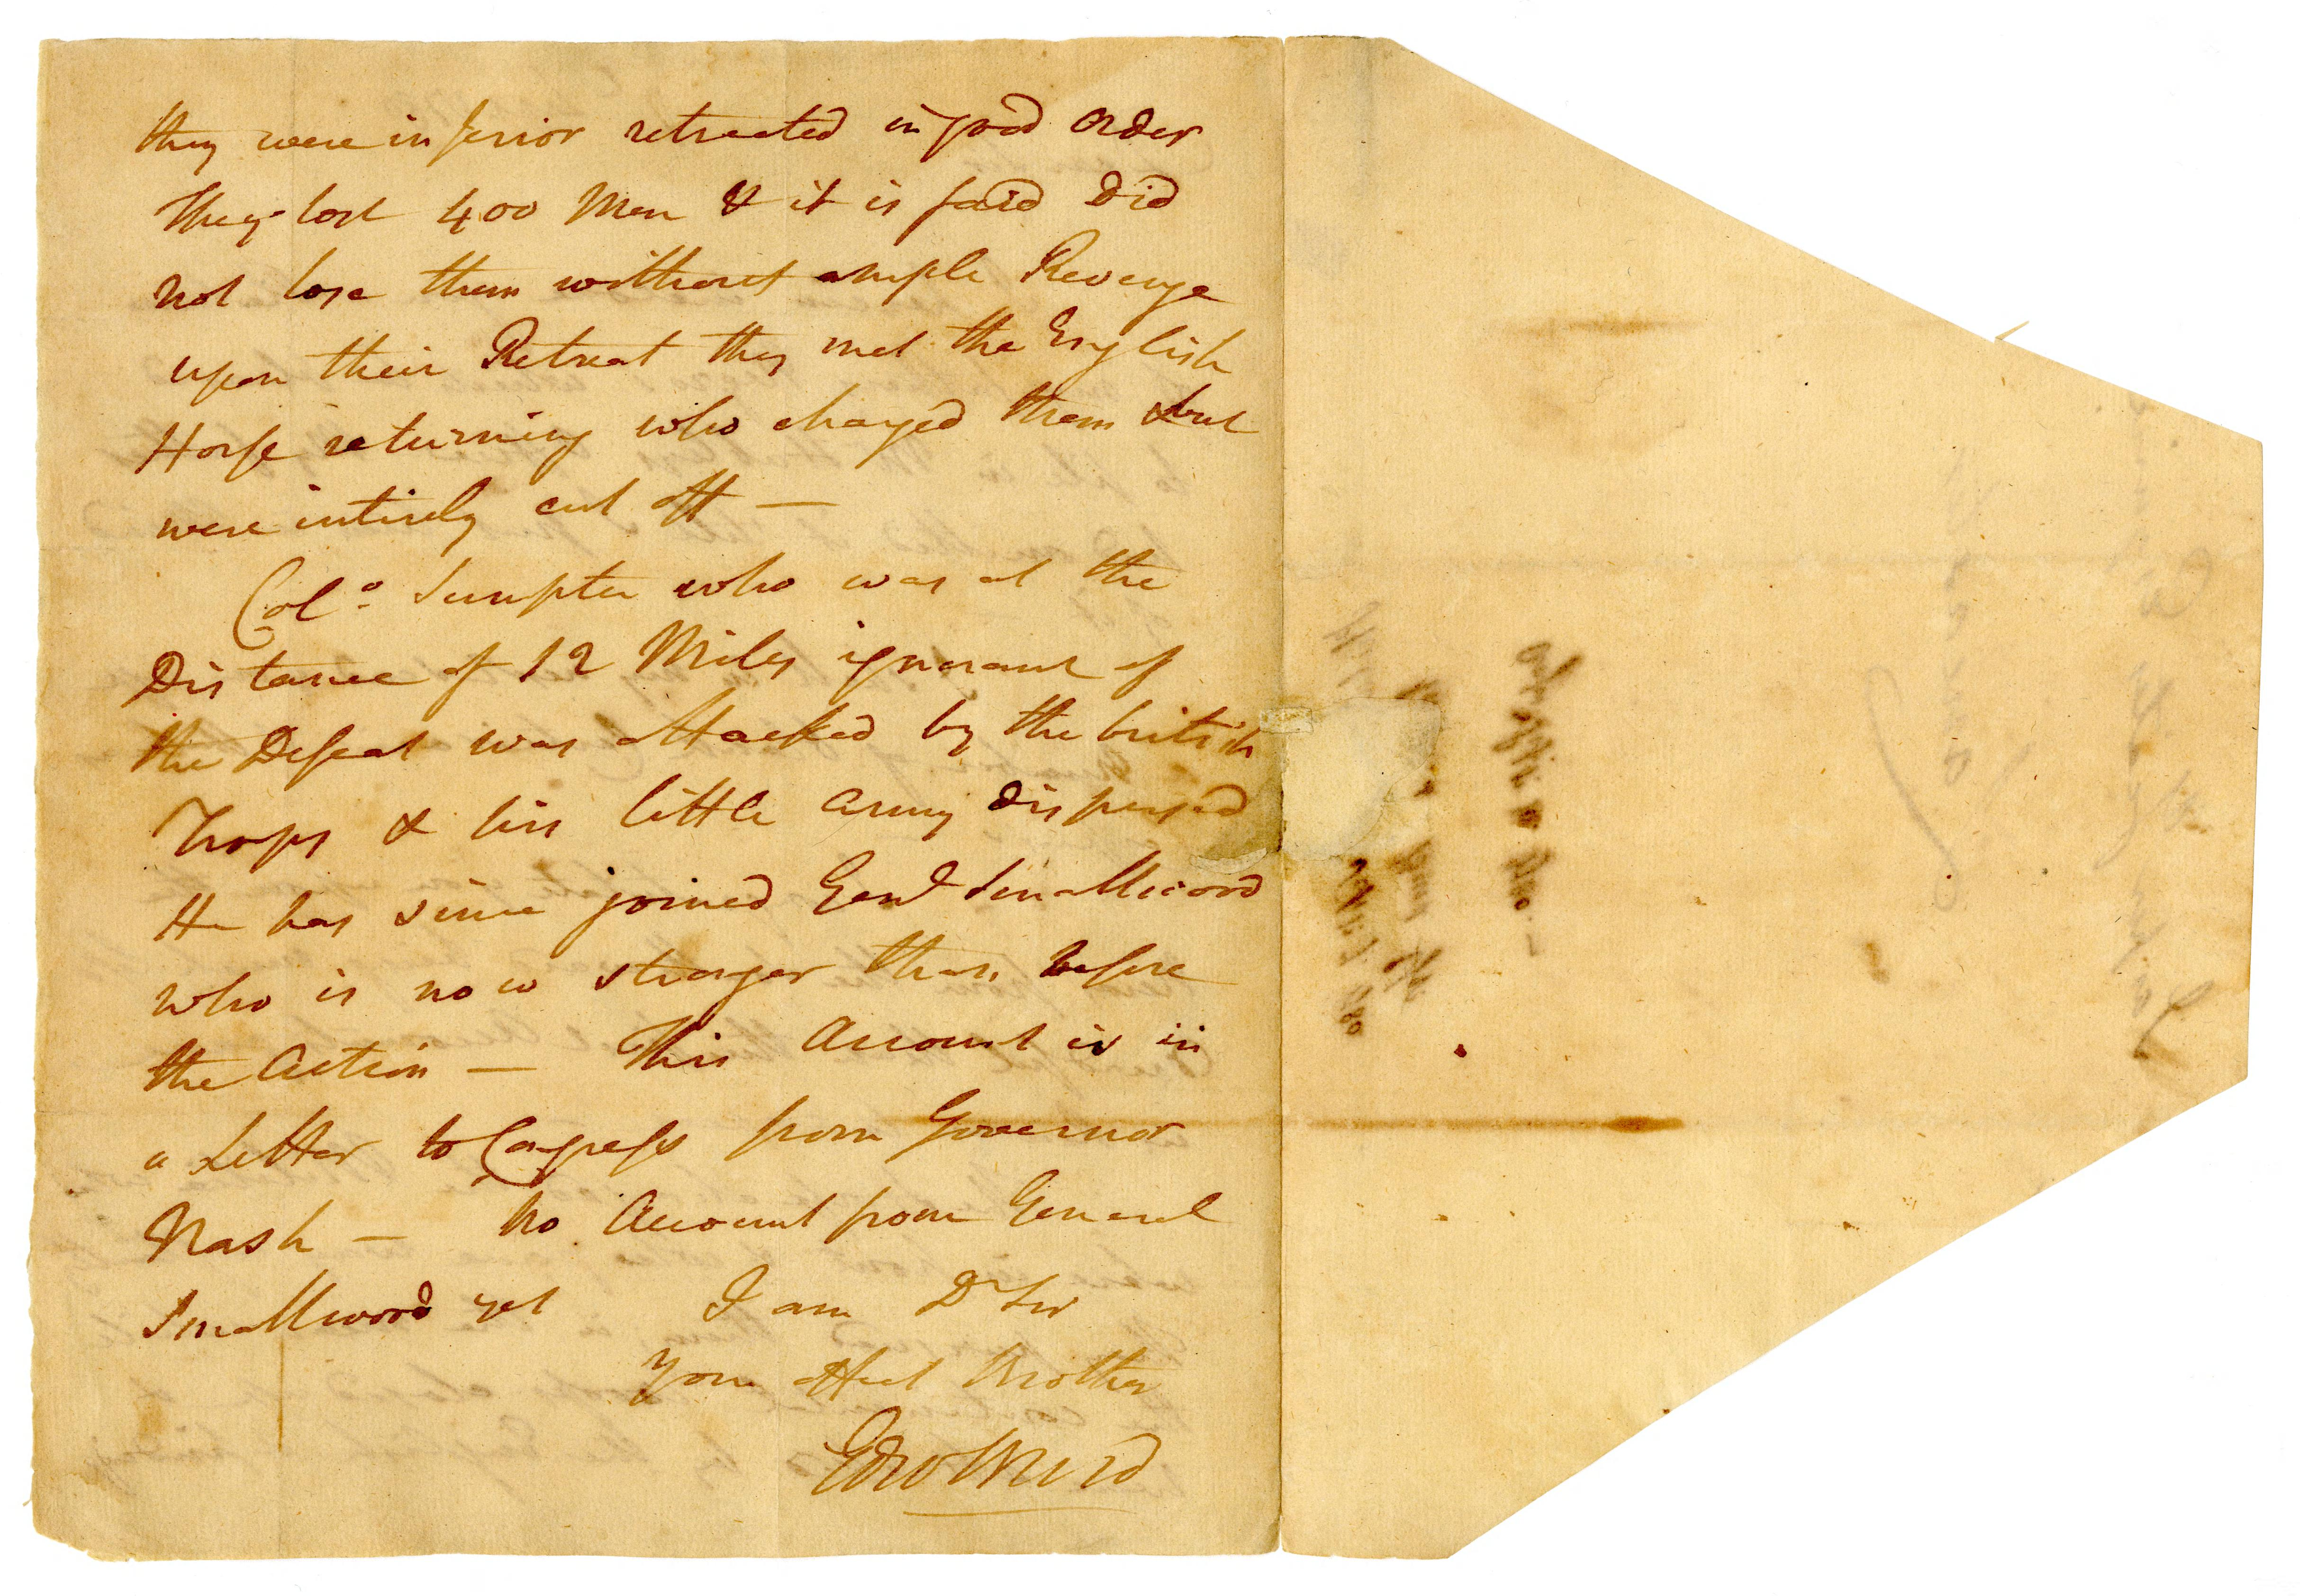they were inferior retreated in good Order
they lost 400 Men & it is said did
not lose them without ample Revenge
upon their Retreat they met the English
Horse returning who charged them but
were intirely cut off
Col^o. Sumpter who was at the
Distance of 12 Miles if normal of
the Defeat was attacked by the british
Troops & his little army dispersed
He has since joined Gen^l Smallwood
who is now stranger than before
the Action. This Account is in
a Letter to Congress from Governor
Nash. No Account from General
Smallword yet
I am D^r Sir
Your affect Brother
Edw. Burd